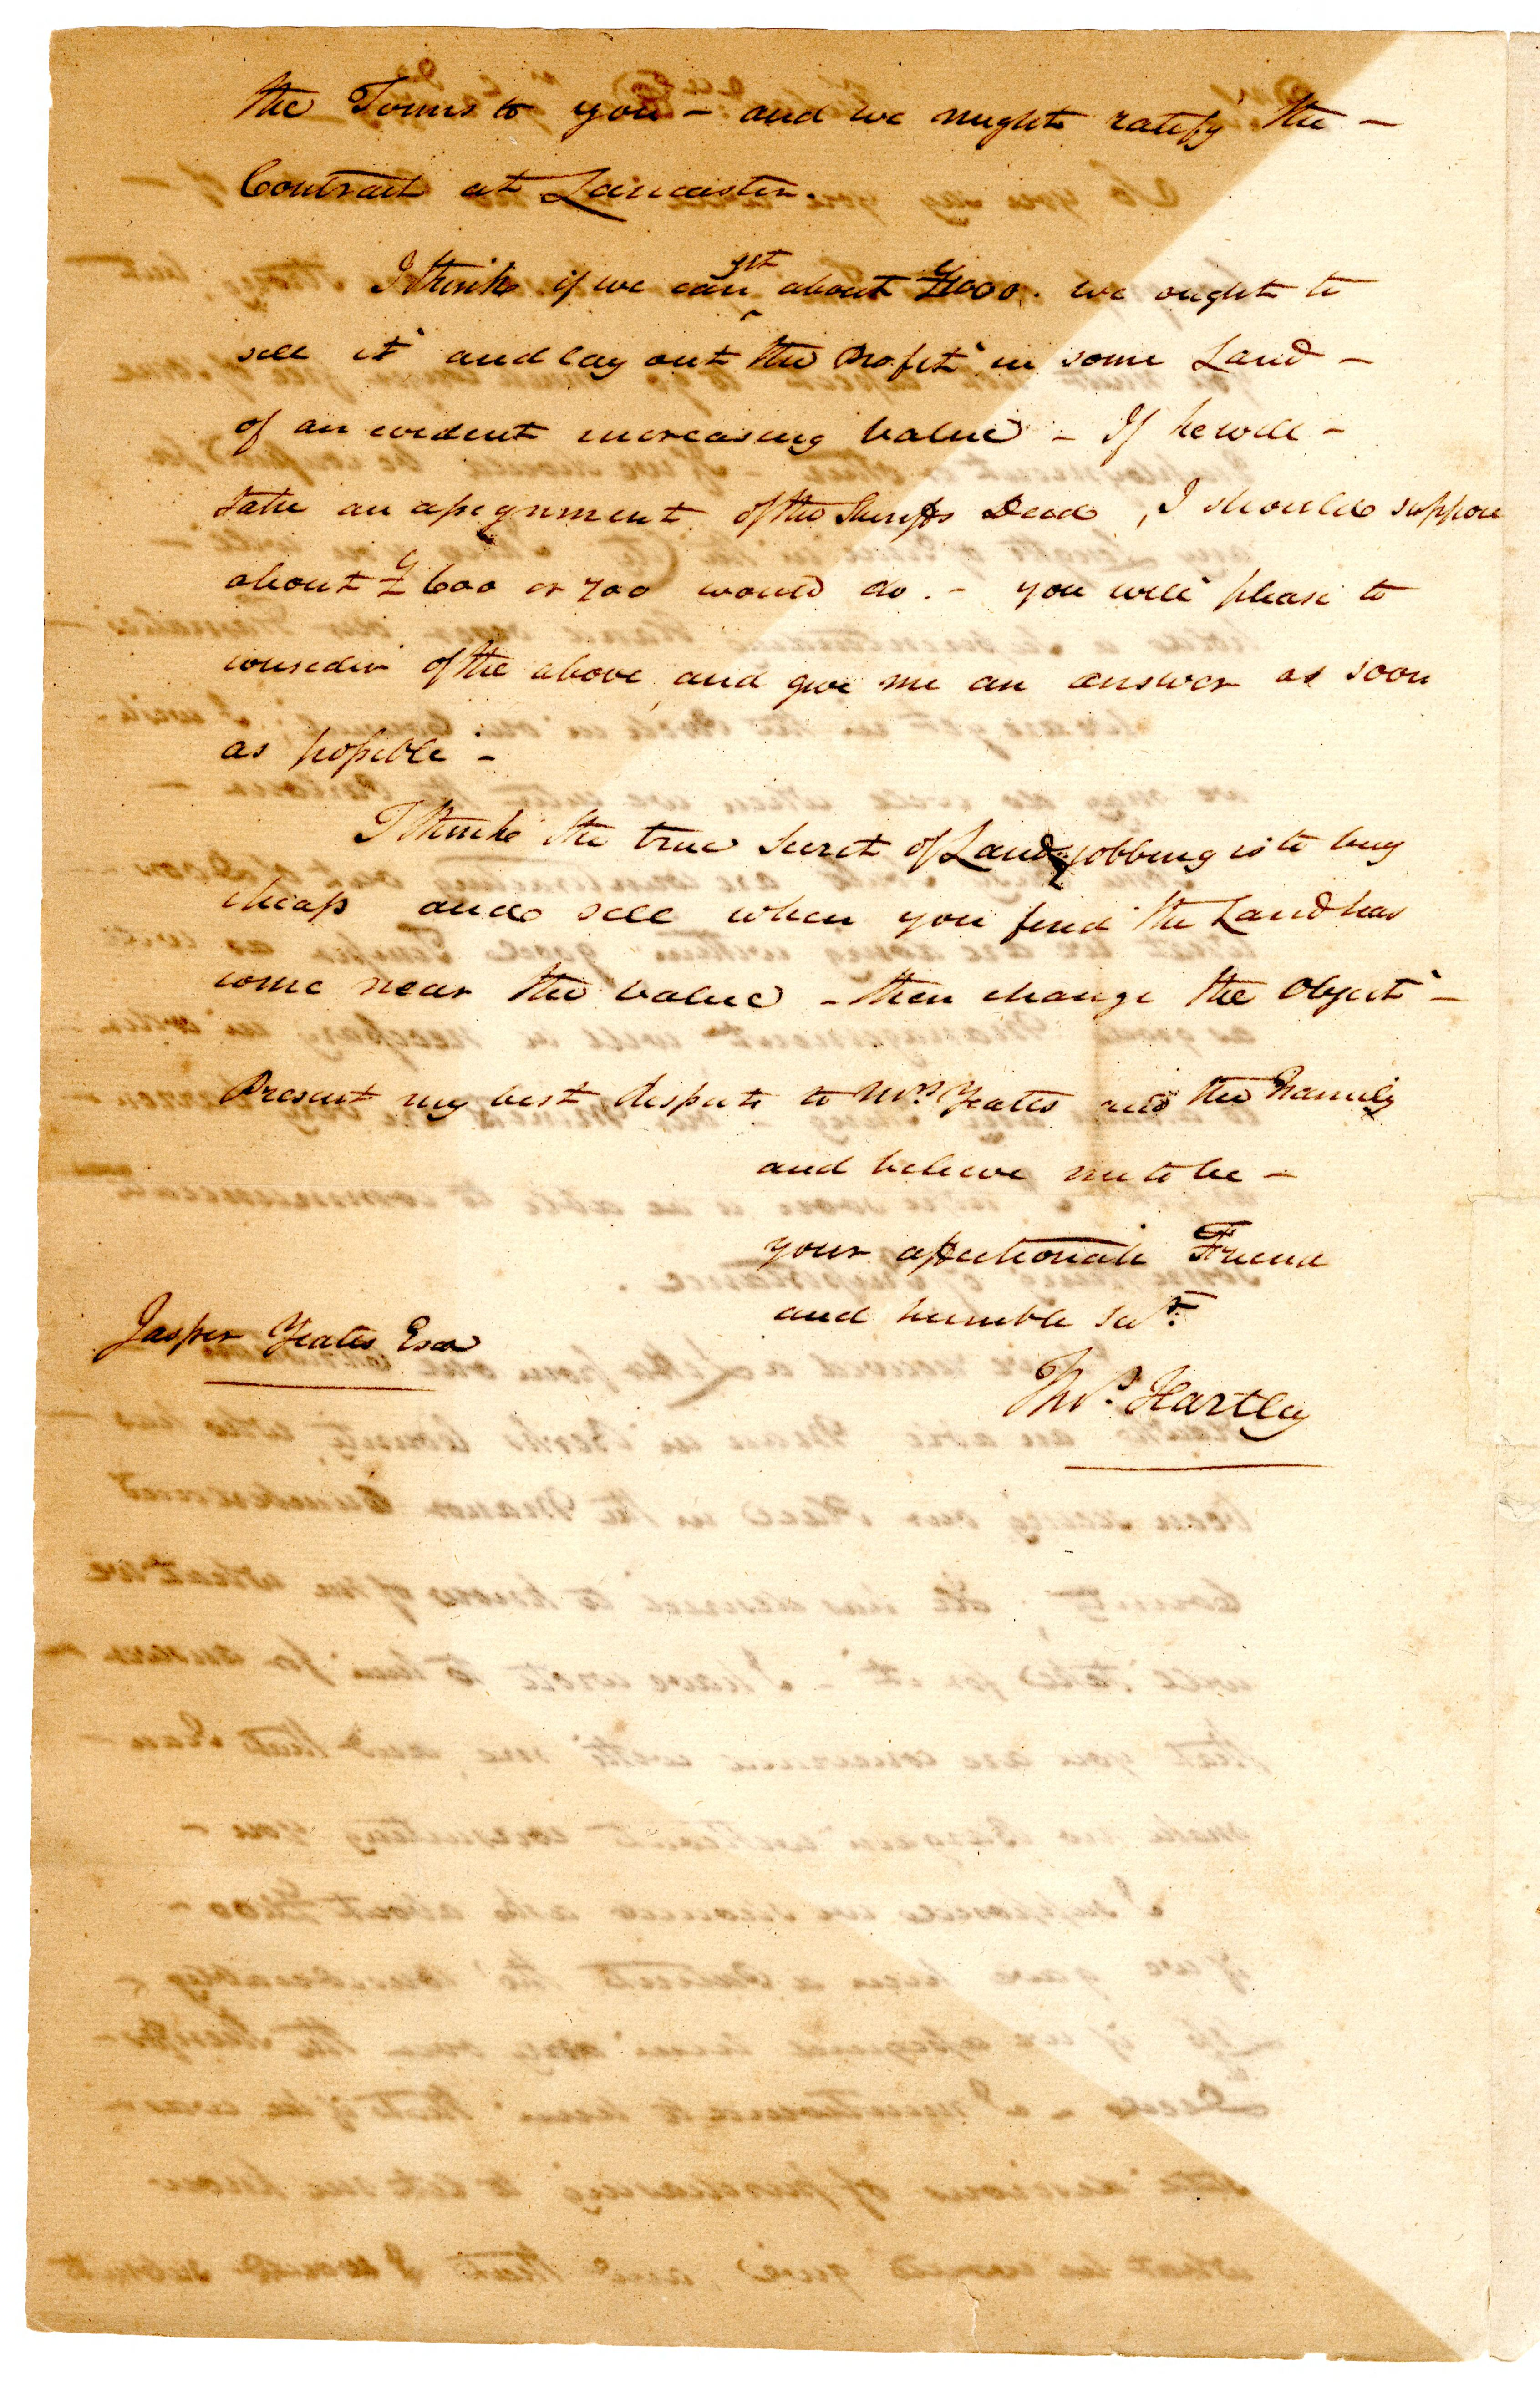the Terms to you- and we might ratify the
Contract at Lancaster
get
I think if we can ^ about £1000. we ought to
sell it and lay out the Profit in some Land
of an evident increasing value- If he will
take an assignment of the Shereds Deed, I should suppose
about £600 or 700 would do. you will please to
consider of the above and give me an answer as soon
as possible.
I think the true secret of Land robbing is to buy
cheap and sell when you find the Land has
come near the value- then change the Object
Present my best Respects to M^rs Yeates and the Family
and believe me to be
your affectionate Friend
and humble serv^t.
Tho^s. Hartley
Jasper Yeates Esq